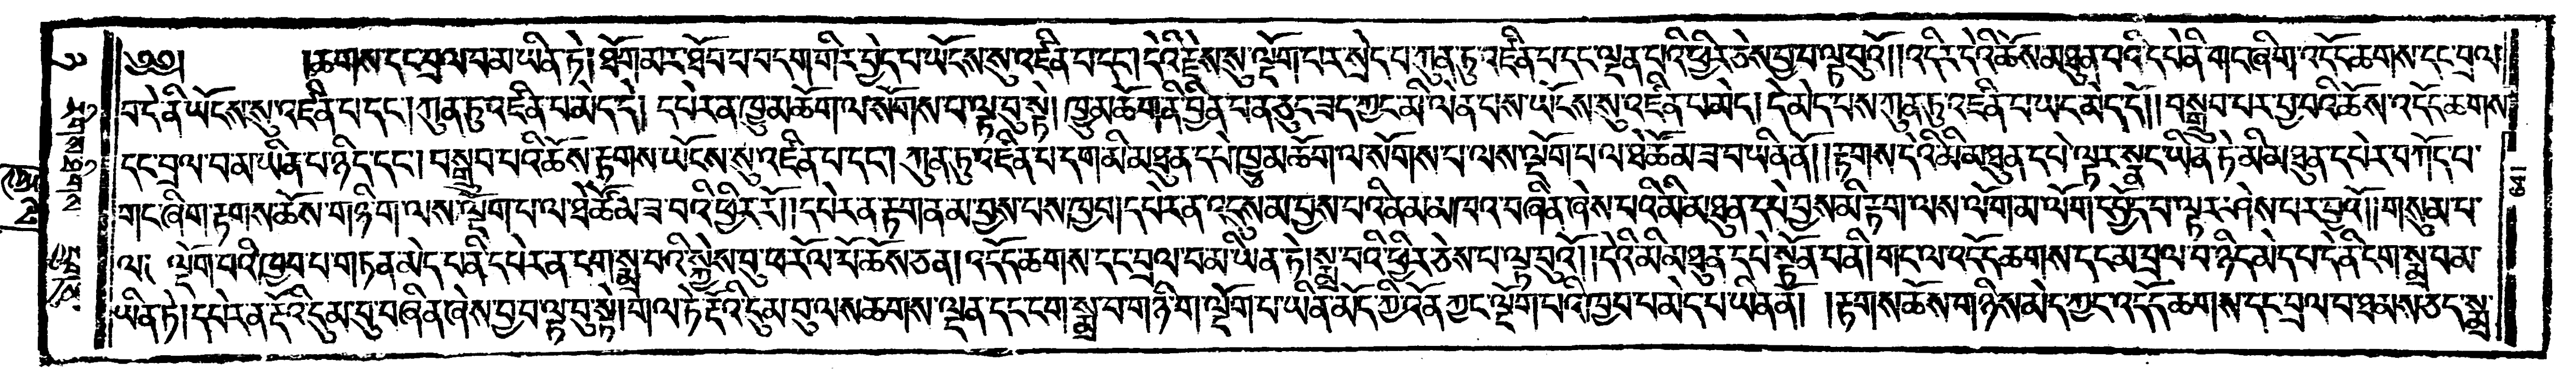༄༅། །ཆགས་དང་བྲལ་བ་མ་ཡིན་ཏེ། ཐོག་མར་ཐོབ་པ་བདག་གིར་བྱེད་པ་ཡོངས་སུ་འཛིན་པ་དང་། དེའི་རྗེས་སུ་ལྡོག་པར་སྲེད་པ་ཀུན་ཏུ་འཛིན་པ་དང་ལྡན་པའི་ཕྱིར་ཅེས་བྱ་བ་ལྟ་བུའོ། །འདིར་དེའི་ཆོས་མཐུན་པའི་དཔེ་ནི་གང་ཞིག་འདོད་ཆགས་དང་བྲལ་
བ་དེ་ནི་ཡོངས་སུ་འཛིན་པ་དང་། ཀུན་ཏུ་འཛིན་པ་མེད་དེ། དཔེར་ན་ཁྱུ་མཆོག་ལ་སོགས་པ་ལྟ་བུ་སྟེ། ཁྱུ་མཆོག་ནི་བྱིན་པ་ན་ཅུང་ཟད་ཀྱང་མི་ལེན་པས་ཡོངས་སུ་འཛིན་པ་མེད། དེ་མེད་པས་ཀུན་ཏུ་འཛིན་པ་ཡང་མེད་དོ། །བསྒྲུབ་པར་བྱ་བའི་ཆོས་འདོད་ཆགས་
དང་བྲལ་བ་མ་ཡིན་པ་ཉིད་དང་། བསྒྲུབ་པའི་ཆོས་རྟགས་ཡོངས་སུ་འཛིན་པ་དང་། ཀུན་ཏུ་འཛིན་པ་དག་མི་མཐུན་དཔེ་ཁྱུ་མཆོག་ལ་སོགས་པ་ལས་ལྡོག་པ་ལ་ཐེ་ཚོམ་ཟ་བ་ཡིན་ནོ། །རྟགས་དེའི་མི་མཐུན་དཔེ་ལྟར་སྣང་ཡིན་ཏེ་མི་མཐུན་དཔེར་བཀོད་པ་
གང་ཞིག་རྟགས་ཆོས་གཉི་ག་ལས་ལྡོག་པ་ལ་ཐེ་ཚོམ་ཟ་བའི་ཕྱིར་རོ། །དཔེར་ན་རྟག་ན་མ་བྱས་པས་ཁྱབ། དཔེར་ན་འདུས་མ་བྱས་པའི་ནམ་མཁའ་བཞིན་ཞེས་པའི་མི་མཐུན་དཔེ་བྱས་མི་རྟག་ལས་ལོག་མ་ལོག་དཔྱོད་པ་ལྟར་ཤེས་པར་བྱའོ། །གསུམ་པ་
ལ༑ ལྡོག་པའི་ཁྱབ་པ་གཏན་མེད་པ་ནི་དཔེར་ན་ངག་སྨྲ་བའི་སྐྱེས་བུ་ཕ་རོལ་པོ་ཆོས་ཅན། འདོད་ཆགས་དང་བྲལ་བ་མ་ཡིན་ཏེ། སྨྲ་བའི་ཕྱིར་ཅེས་པ་ལྟ་བུའོ། །དེའི་མི་མཐུན་དཔེ་སྟོན་པ་ནི། གང་ལ་འདོད་ཆགས་དང་མ་བྲལ་བ་ཉིད་མེད་པ་དེ་ནི་ངག་སྨྲ་བ་མ་
ཡིན་ཏེ། དཔེར་ན་རྡོའི་དུམ་བུ་བཞིན་ཞེས་བྱ་བ་ལྟ་བུ་སྟེ། གལ་ཏེ་རྡོའི་དུམ་བུ་ལས་ཆགས་ལྡན་དང་ངག་སྨྲ་བ་གཉི་ག་ལྡོག་པ་ཡིན་མོད་ཀྱི་འོན་ཀྱང་ལྡོག་པའི་ཁྱབ་པ་མེད་པ་ཡིན་ནོ། །རྟགས་ཆོས་གཉིས་མེད་ཀྱང་འདོད་ཆགས་དང་བྲལ་བ་ཐམས་ཅད་སྨྲ་